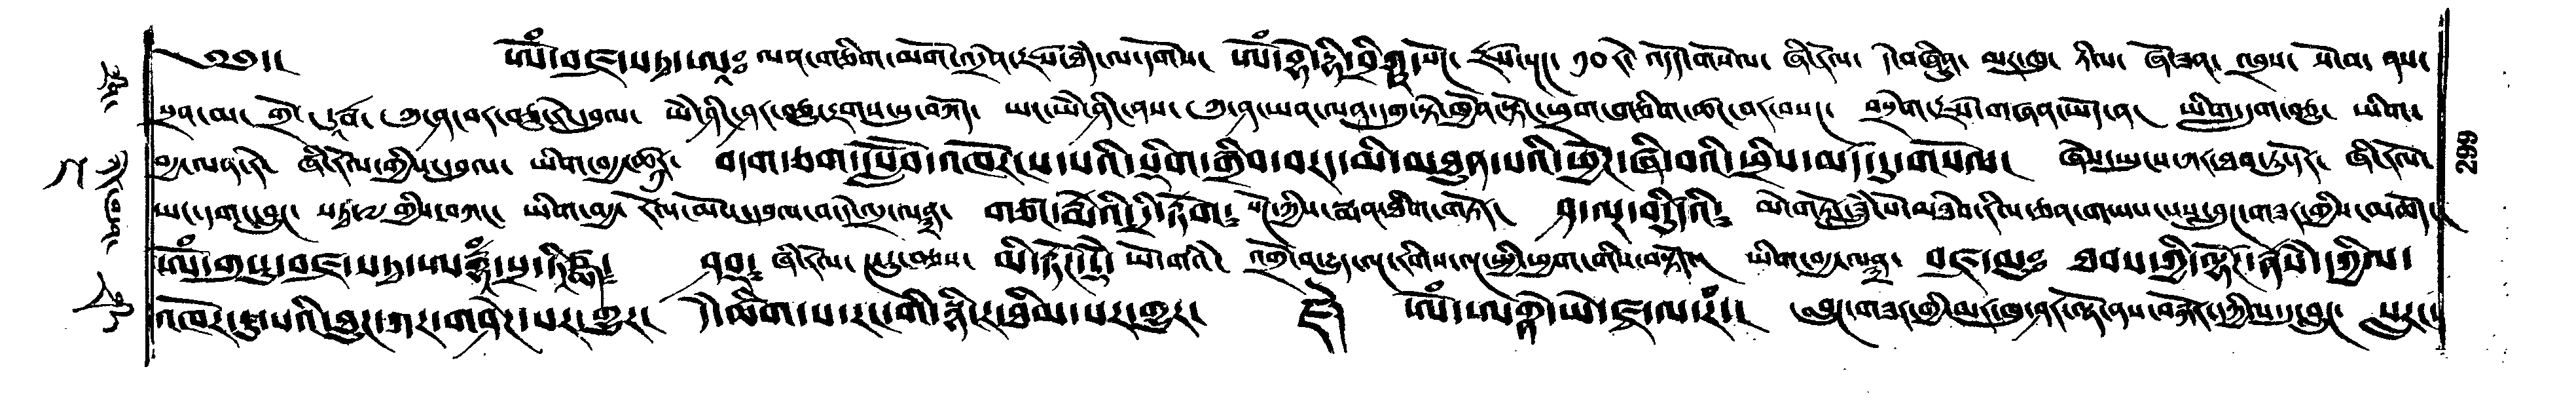ཨོཾ་བཛྲ་སཏྭ་ཨཱཿ ལན་གཅིག་མགོ་འདྲེན་རྫས་ཐམས་ཅད་ལ་དགོས། ཨོཾ་བྷོ་དྷི་བྲིཀྵ༴ སོགས་རྫས་སྔགས་བཅུ་རེ། འདོད་གསོལ། ཞི་རོལ། དེ་བཞིན་དུ་མར་ཁུ། ཏིལ། ཞོ་ཟན། འབྲས། སོ་བ། ནས། 
སྲན་མ། གྲོ་དཱུརྦ། ཀུ་ཤ་བར་བཅུ་རེ་དབུལ། ཡམ་ཤིང་ཤར་བཅུ་རྟགས་སུ་དགཽད། ཡང་ཡམ་ཤིང་ནས། ཀུ་ཤ་ཡན་ལན་དགུ་སྟེ་ཁྱོན་སྟོང་ཕྲག་གཅིག་ཚང་བར་བསག སྲེག་རྫས་གཞན་ཡོད་ན་ཡིག་དྲུག་བཅུ། ཡིག་
བརྒྱ་ལན་རེ་ཞི་རོལ་གྱིས་དབུལ། ཡིག་བརྒྱ་ཚར་གཅིག བདག་ཅག་དཔོན་སློབ་འཁོར་དང་བཅས་པའྀ་སྡིག་སྒྲིབ་བར་ཆད་མི་མཐུན་པའི་ཕྱོགས་ཞི་བའི་ཕྲིན་ལས་མཛད་དུ་གསོལ།ཞེས་ཡུངས་ཀར་ཐབ་ཏུ་དོར། ཞི་རོལ། 
ཡང་དགང་བླུག སཏྭ་བདུན་གྱིས་དགང་། ཡིག་བརྒྱ་རོལ་མོས་དབུལ་བ་དེ་འདྲ་བ་ལན་གསུམ། གཙང་དམེའི་དྲི་རྟོག༴ སོགས་ཀྱིས་སྨན་ཐིག་གཏོར། ཤ་ལྔ་བདུད་རྩིའི༴ མེ་གཏོར་ཟླུམ་པོ་མཐེབ་རིལ་ཅན་གཡས་པས་བླུགས་གཟར་གྱིས་མཆོད། 
ཨོཾ་གུ་རུ་བཛྲ་སཏྭ་ཨརྒྷཾ་པྲ་ཏཱིཙྪ༴ ཤབྡ༴ ཞི་རོལ། ཌཱ་རུ་བཅས། མི་རྟོག་རྡོ་རྗེ༴ ཡོ་གའམ་འགྲོ་བ་རྒྱུད་ལྔ་རིགས་ལྔ་སྤྱི་ཕྱག་གིས་བསྟོད། ཡིག་བརྒྱ་ལན་གསུམ། བཛྲ་མུཿ ཐབས་ཀྱི་ལྷ་ཚོགས་རྣམས་དཀྱིལ་
འཁོར་པའི་ཐུགས་ཀར་གཤེགས་པར་གྱུར། དམ་ཚིག་པ་རང་གི་སྙིང་གར་ཐིམ་པར་གྱུར ཨོཾ་ཨགྣེ་ཡེ་ཛྭ་ལ་རཾ། བླུགས་གཟར་གྱི་མར་ཁུ་ཤར་ལྷོ་ནས་བསྐོར་དཀྱིལ་དུ་བླུགས། སླར་ཡང་